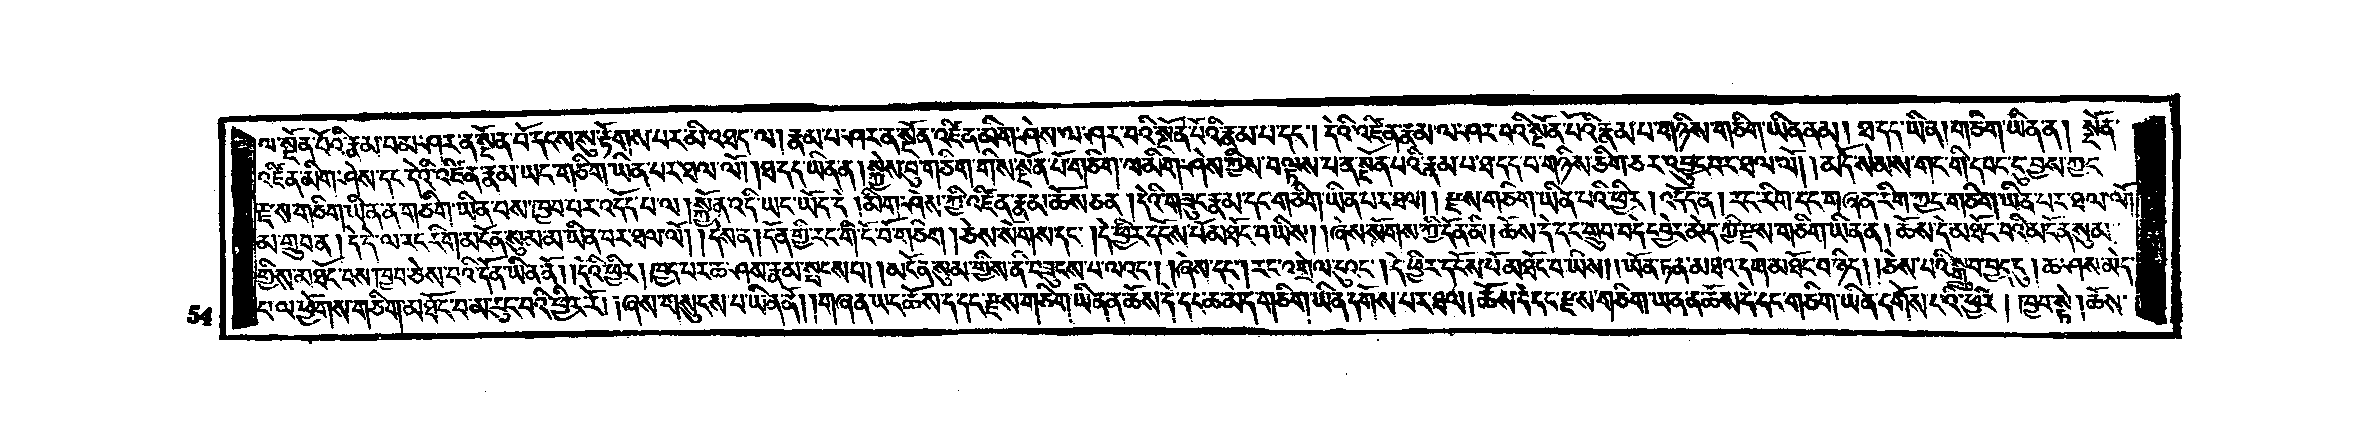ལ་སྔོན་པོའི་རྣམ་པ་མ་ཤར་ན་སྔོན་པོ་དངོས་སུ་རྟོགས་པར་མི་འཐད་ལ། རྣམ་པ་ཤར་ན་སྔོན་འཛིན་མིག་ཤེས་ལ་ཤར་བའི་སྔོན་པོའི་རྣམ་པ་དང་། དེའི་འཛིན་རྣམ་ལ་ཤར་བའི་སྔོན་པོའི་རྣམ་པ་གཉིས་གཅིག་ཡིན་ནམ། ཐ་དད་ཡིན། གཅིག་ཡིན་ན། སྔོན་
འཛིན་མིག་ཤེས་དང་དེའི་འཛིན་རྣམ་ཡང་གཅིག་ཡིན་པར་ཐལ་ལོ། །ཐ་དད་ཡིན་ན། སྐྱེས་བུ་གཅིག་གིས་སྔོན་པོ་གཅིག་ལ་མིག་ཤེས་ཀྱིས་བལྟས་པ་ན་སྔོན་པོའི་རྣམ་པ་ཐ་དད་པ་གཉིས་ཅིག་ཅར་འབྱུང་བར་ཐལ་ལོ། །མདོ་སེམས་གང་གི་དབང་དུ་བྱས་ཀྱང་།
རྫས་གཅིག་ཡིན་ན་གཅིག་ཡིན་པས་ཁྱབ་པར་འདོད་པ་ལ། སྐྱོན་འདི་ཡང་ཡོད་དེ། མིག་ཤེས་ཀྱི་འཛིན་རྣམ་ཆོས་ཅན། དེའི་གཟུང་རྣམ་དང་གཅིག་ཡིན་པར་ཐལ། །རྫས་གཅིག་ཡིན་པའི་ཕྱིར། འདོད་ན། རང་རིག་དང་གཞན་རིག་ཀྱང་གཅིག་ཡིན་པར་ཐལ་ལོ།
མ་གྲུབ་ན། དེ་དེ་ལ་རང་རིག་མངོན་སུམ་མ་ཡིན་པར་ཐལ་ལོ། །དེས་ན། དོན་གྱི་རང་གི་ངོ་བོ་གཅིག །ཅེས་སོགས་དང་། དེ་ཕྱིར་དངོས་པོ་མཐོང་བ་ཡིས། །ཞེས་སོགས་ཀྱི་དོན་ནི། ཆོས་དེ་དང་གྲུབ་བདེ་དབྱེར་མེད་ཀྱི་རྫས་གཅིག་ཡིན་ན། ཆོས་དེ་མཐོང་བའི་མངོན་སུམ་
གྱིས་མཐོང་བས་ཁྱབ་ཅེས་པའི་དོན་ཡིན་ནོ། །དེའི་ཕྱིར། ཁྱད་པར་ཆ་ཤས་རྣམ་སྤངས་པ། །མངོན་སུམ་གྱིས་ནི་བཟུངས་པ་ལའང་། །ཞེས་དང་། རང་འགྲེལ་དུའང་། དེ་ཕྱིར་དངོས་པོ་མཐོང་བ་ཡིས། །ཡོན་ཏན་མཐའ་དག་མཐོང་བ་ཉིད། །ཅེས་པའི་སྒྲུབ་བྱེད་དུ། ཆ་ཤས་མེད་
པ་ལ་ཕྱོགས་གཅིག་མཐོང་བ་མི་རུང་བའི་ཕྱིར་རོ། །ཞེས་གསུངས་པ་ཡིན་ནོ། །གཞན་ཡང་ཆོས་དེ་དང་རྫས་གཅིག་ཡིན་ན་ཆོས་དེ་དང་ཆ་མེད་གཅིག་ཡིན་དགོས་པར་ཐལ། ཆོས་དེ་དང་རྫས་གཅིག་ཡིན་ན་ཆོས་དེ་དང་གཅིག་ཡིན་དགོས་པའི་ཕྱིར། ཁྱབ་སྟེ། ཆོས་